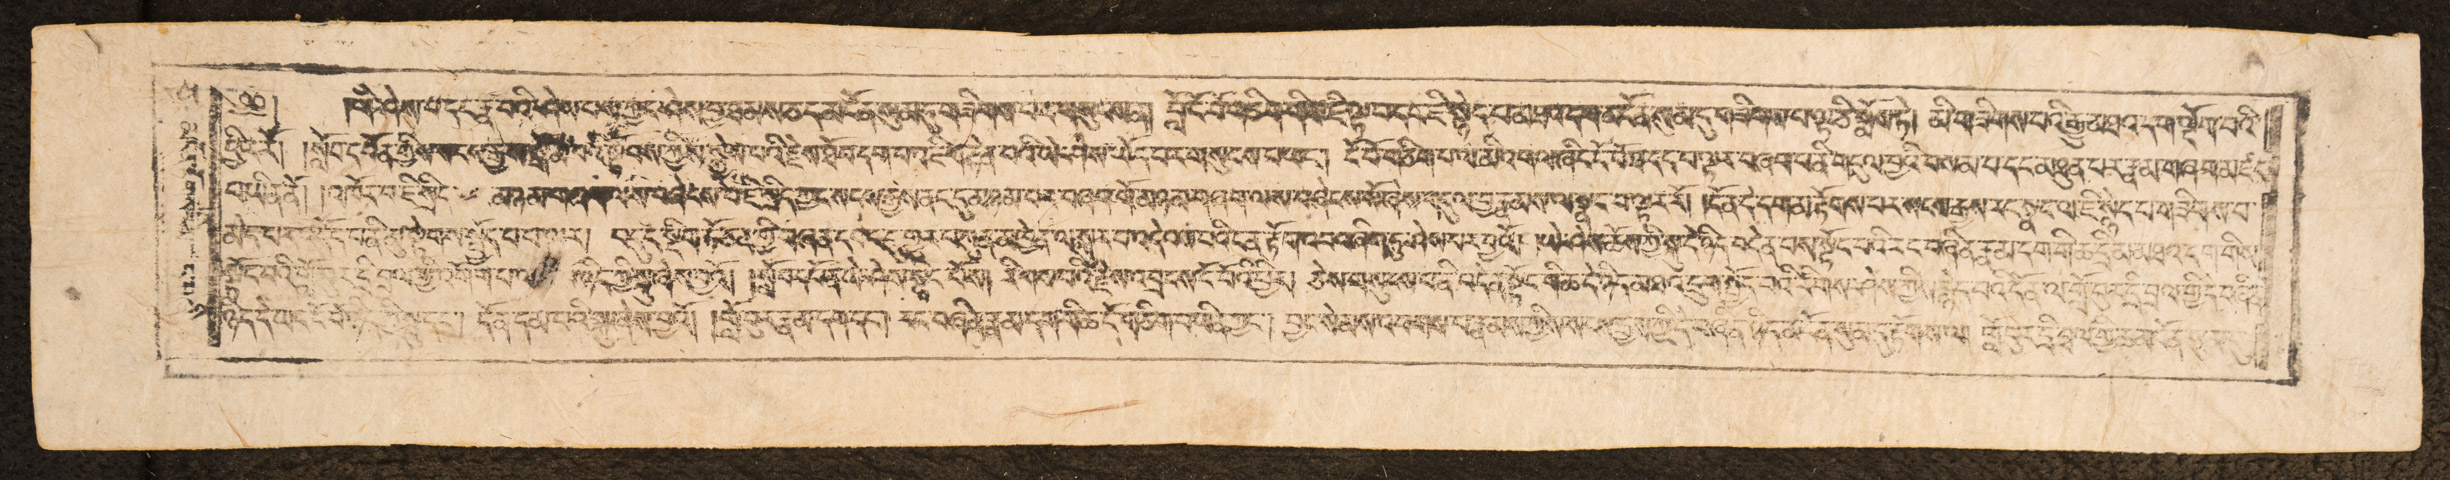༄༅། །གི་ཤེས་པ་དང་རྣ་བའི་ཤེས་པས་ཀྱང་ཤེས་བྱ་ཐམས་ཅད་མངོན་སུམ་དུ་གཟིགས་པར་གསུངས་ན། བློ་ངོ་བོ་གཅིག་གིས་ཇི་ལྟ་བ་དང་ཇི་སྙེད་པ་མཐའ་དག་མངོན་སུམ་དུ་གཟིགས་པ་ལྟ་ཅི་སྨོས་ཏེ། མི་གཟིགས་པའི་རྒྱུ་མཐའ་དག་ལྡོག་པའི་
ཕྱིར་རོ། །སློབ་དཔོན་གྱིས་སངས་རྒྱས་སྒོམ་པའི་སྟོབས་ཀྱིས་སྐྱེས་པའི་རྗེས་ཐོབ་དག་པ་འཇིག་རྟེན་པའི་ཡེ་ཤེས་ཡོད་པར་གསུངས་པ་ཡང་། ངོ་བོ་གཅིག་པ་ལ་མི་འགལ་ཞིང་ངོ་བོ་ཐ་དད་པ་ལྟར་བཞག་པ་ནི་གདུལ་བྱའི་བསམ་པ་དང་མཐུན་པར་རྣམ་གཞག་མཛད་
པ་ཡིན་ནོ། །འཁོར་བ་ཇི་སྲིད་པར་མཉམ་གཞག་ལས་བཞེངས་པ་ཇི་སྲིད་ཀྱང་སངས་རྒྱས་ནང་དུ་མཉམ་པར་བཞག་གོ་མཉམ་གཞག་ལས་བཞེངས་སོ་ཞེས་གདུལ་བྱ་རྣམས་ལ་སྣང་བ་ལྟར་རོ། །དོན་དེ་དག་མ་རྟོགས་པར་སངས་རྒྱས་རང་སྣང་ལ་ཇི་སྙེད་པ་གཟིགས་པ་
མེད་པར་འདོད་པ་ནི་མུ་སྟེགས་སྤྱོད་པ་པ་ལྟར། བདུད་སྡིག་ཏོ་ཅན་གྱི་གཞན་དབང་དུ་གྱུར་པ་ཀུན་མཁྱེན་ལ་སྐུར་པ་འདེབས་པའི་ངན་རྟོག་འབའ་ཞིག་ཏུ་ཤེས་པར་བྱའོ། །ཡེ་ཤེས་ཆོས་ཀྱི་སྐུ་དེ་ཉིད་བདེན་པས་སྟོང་པའི་རང་བཞིན་རྣམ་དག་གི་ཆ་དྲི་མ་མཐའ་དག་གིས་
སྟོང་པའི་གློ་བུར་དྲི་བྲལ་གྱི་འགོག་པ་ལ་ངོ་བོ་ཉིད་ཀྱི་སྐུ་ཞེས་བྱའོ། །སློབ་དཔོན་ཡེ་ཤེས་སྙིང་པོས། རིགས་པའི་རྗེས་འབྲངས་ངོ་བོའི་ཕྱིར། ཅེས་གསུངས་པ་ནི་བདེན་སྟོང་གི་ཆ་དེ་ཉིད་མཐའ་དྲུག་སྤྱོད་པའི་རིགས་ཤེས་ཀྱིས་རྙེད་པའི་དོན་ལ་གློ་བུར་དྲི་བྲལ་གྱི་དེ་བཞིན་
ཉིད་དེ་ཡང་ངོ་བོ་ཉིད་ཀྱི་སྐུ་དང་། དོན་དམ་པའི་སྐུ་ཞེས་བྱའོ། །གློ་བུར་རྣམ་དག་དང་། རང་བཞིན་རྣམ་དག་གི་ཆ་ངོ་གཅིག་པ་ཡིན་ཀྱང་། བྱང་སེམས་འཕགས་པ་རྣམས་ཀྱིས་སངས་རྒྱས་ཀྱི་དེ་བཞིན་ཉིད་མངོན་སུམ་དུ་རྟོགས་ལ། གློ་བུར་དྲི་བྲལ་གྱི་ཆ་མངོན་སུམ་དུ་